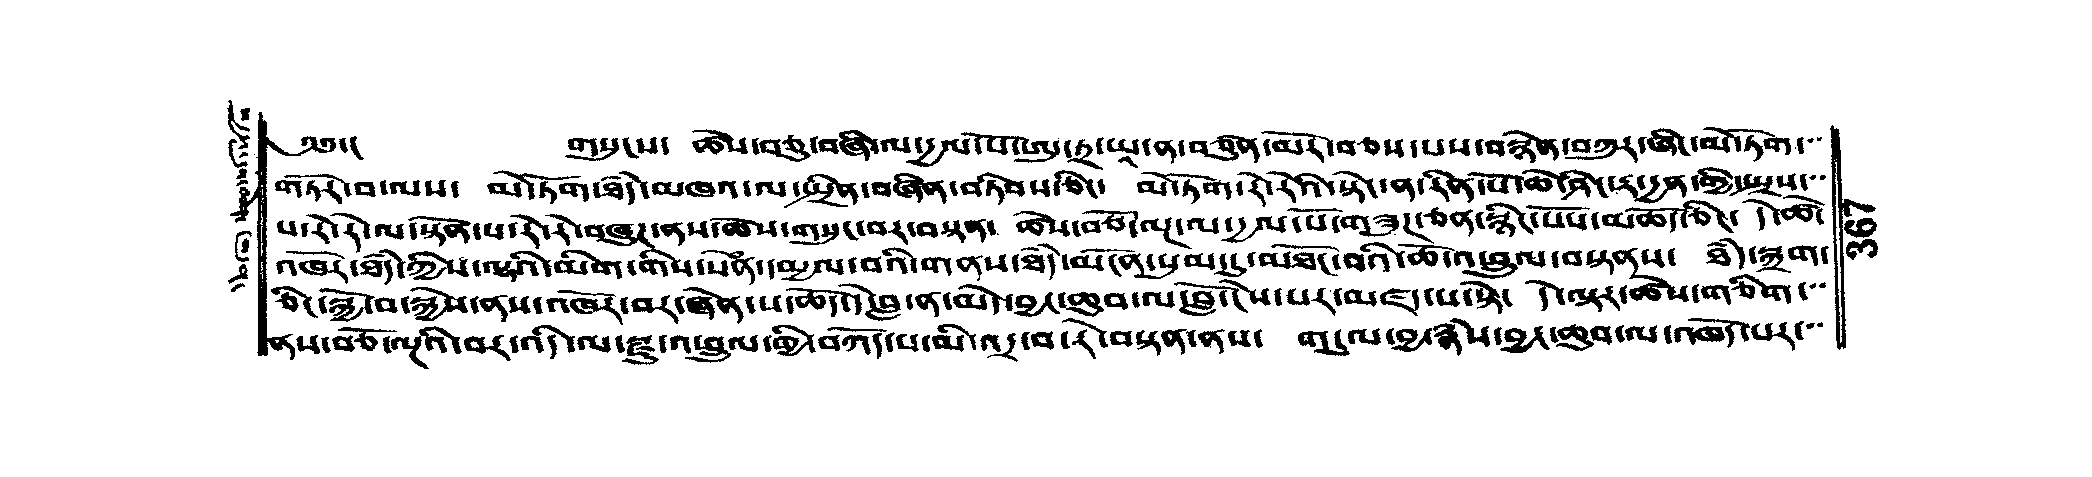གསུངས། ཚེས་བཅུ་བཞི་ལ་རྒྱལ་པོ་ཨུ་ཏྲ་ཡཱ་ན་བཙུན་མོར་བཅས་པས་བསྙེན་བཀུར་ཞིང་མེ་ཏོག་
གཏོར་བ་ལས། མེ་ཏོག་ཐམས་ཅད་མཁའ་ལ་སྤྲིན་བཞིན་བཏིབས་ཅིང་། མེ་ཏོག་རེ་རེའི་སྟེང་ན་རིན་པོ་ཆེ་ཤིང་རྟ་རྒྱན་གྱི་སྤྲས་
པ་རེ་རེ་ལ་སྟོན་པ་རེ་རེ་བཞུགས་ནས་ཆོས་གསུང་བར་བསྟན། ཚེས་བཅོ་ལྔ་ལ་རྒྱལ་པོ་གཟུགས་ཅན་སྙིང་པོས་མཆོད་ཅིང་། དེ་ཚེ་
འཁོར་ཐམས་ཅད་ཀྱིས་ལྷའི་མིག་གིས་སེམས་ཅན་དམྱལ་བའི་གནས་ཐམས་ཅད་མངོན་སུམ་དུ་མཐོང་བའི་ཆོ་འཕྲུལ་བསྟན་ནས།ཐམས་ཅད་སྐྲག་
ཅིང་སྐྱོ་བ་སྐྱེས་ནས་འཁོར་བར་ཞེན་པ་ཆོད་དེ་བླ་མེད་བྱང་ཆུབ་ལ་བློ་ངེས་པར་མཛད་པ་སྟེ། དེ་ལྟར་ཚེས་གཅིག་
ནས་བཅོ་ལྔའི་བར་འདི་ལ་རྫུ་འཕྲུལ་གྱི་བཀོད་པ་མི་འདྲ་བ་རེ་བསྟན་ནས། གདུལ་བྱ་རྣམས་བྱང་ཆུབ་ལ་འཁོད་པར་